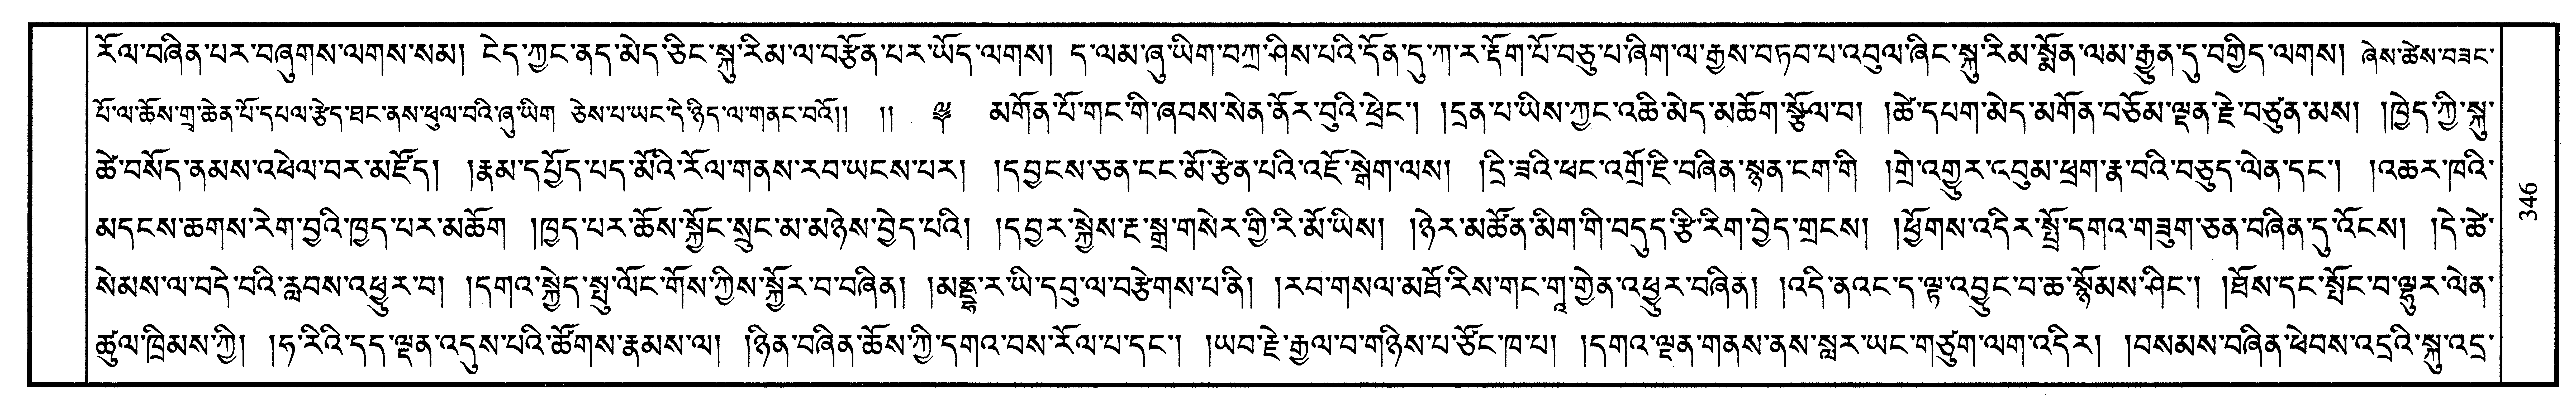རོལ་བཞིན་པར་བཞུགས་ལགས་སམ། ངེད་ཀྱང་ནད་མེད་ཅིང་སྐུ་རིམ་ལ་བརྩོན་པར་ཡོད་ལགས། ད་ལམ་ཞུ་ཡིག་བཀྲ་ཤིས་པའི་དོན་དུ་ཀ་ར་རྡོག་པོ་བཅུ་པ་ཞིག་ལ་རྒྱས་བཏབ་པ་འབུལ་ཞིང་སྐུ་རིམ་སྨོན་ལམ་རྒྱུན་དུ་བགྱིད་ལགས། ཞེས་ཚེས་བཟང་
པོ་ལ་ཆོས་གྲྭ་ཆེན་པོ་དཔལ་རྩེད་ཐང་ནས་ཕུལ་བའི་ཞུ་ཡིག་ཅེས་པ་ཡང་དེ་ཉིད་ལ་གནང་བའོ།། །། ༈ མགོན་པོ་གང་གི་ཞབས་སེན་ནོར་བུའི་ཕྲེང་། །དྲན་པ་ཡིས་ཀྱང་འཆི་མེད་མཆོག་སྩོལ་བ། །ཚེ་དཔག་མེད་མགོན་བཅོམ་ལྡན་རྗེ་བཙུན་མས། །ཁྱེད་ཀྱི་སྐུ་
ཚེ་བསོད་ནམས་འཕེལ་བར་མཛོད། །རྣམ་དཔྱོད་པད་མོའི་རོལ་གནས་རབ་ཡངས་པར། །དབྱངས་ཅན་ངང་མོ་རྩེན་པའི་འཇོ་སྒེག་ལས། །དྲི་ཟའི་ཕང་འགྲོ་ཇི་བཞིན་སྙན་ངག་གི །གྲེ་འགྱུར་འབུམ་ཕྲག་རྣ་བའི་བཅུད་ལེན་དང་། །འཆར་ཁའི་
མདངས་ཆགས་རེག་བྱའི་ཁྱད་པར་མཆོག །ཁྱད་པར་ཆོས་སྐྱོང་སྲུང་མ་མཉེས་བྱེད་པའི། །དབྱར་སྐྱེས་རྔ་སྒྲ་གསེར་གྱི་རི་མོ་ཡིས། །ཉེར་མཚོན་མིག་གི་བདུད་རྩི་རིག་བྱེད་གྲངས། །ཕྱོགས་འདིར་སྤྲོ་དགའ་གཟུག་ཅན་བཞིན་དུ་འོངས། །དེ་ཚེ་
སེམས་ལ་བདེ་བའི་རླབས་འཕྱུར་བ། །དགའ་སྐྱེད་སྤུ་ལོང་གོས་ཀྱིས་སྐྱོར་བ་བཞིན། །མནྡྷ་ར་ཡི་དབུ་ལ་བརྩེགས་པ་ནི། །རབ་གསལ་མཐོ་རིས་གང་གཱ་གྱེན་འཕྱུར་བཞིན། །འདི་ནའང་ད་ལྟ་འབྱུང་བ་ཆ་སྙོམས་ཤིང་། །ཐོས་དང་སྤོང་བ་ལྷུར་ལེན་
ཚུལ་ཁྲིམས་ཀྱི། །ཧ་རིའི་དད་ལྡན་འདུས་པའི་ཚོགས་རྣམས་ལ། །ཉིན་བཞིན་ཆོས་ཀྱི་དགའ་བས་རོལ་པ་དང་། །ཡབ་རྗེ་རྒྱལ་བ་གཉིས་པ་ཙོང་ཁ་པ། །དགའ་ལྡན་གནས་ནས་སླར་ཡང་གཙུག་ལག་འདིར། །བསམས་བཞིན་ཕེབས་འདྲའི་སྐུ་འདྲ་